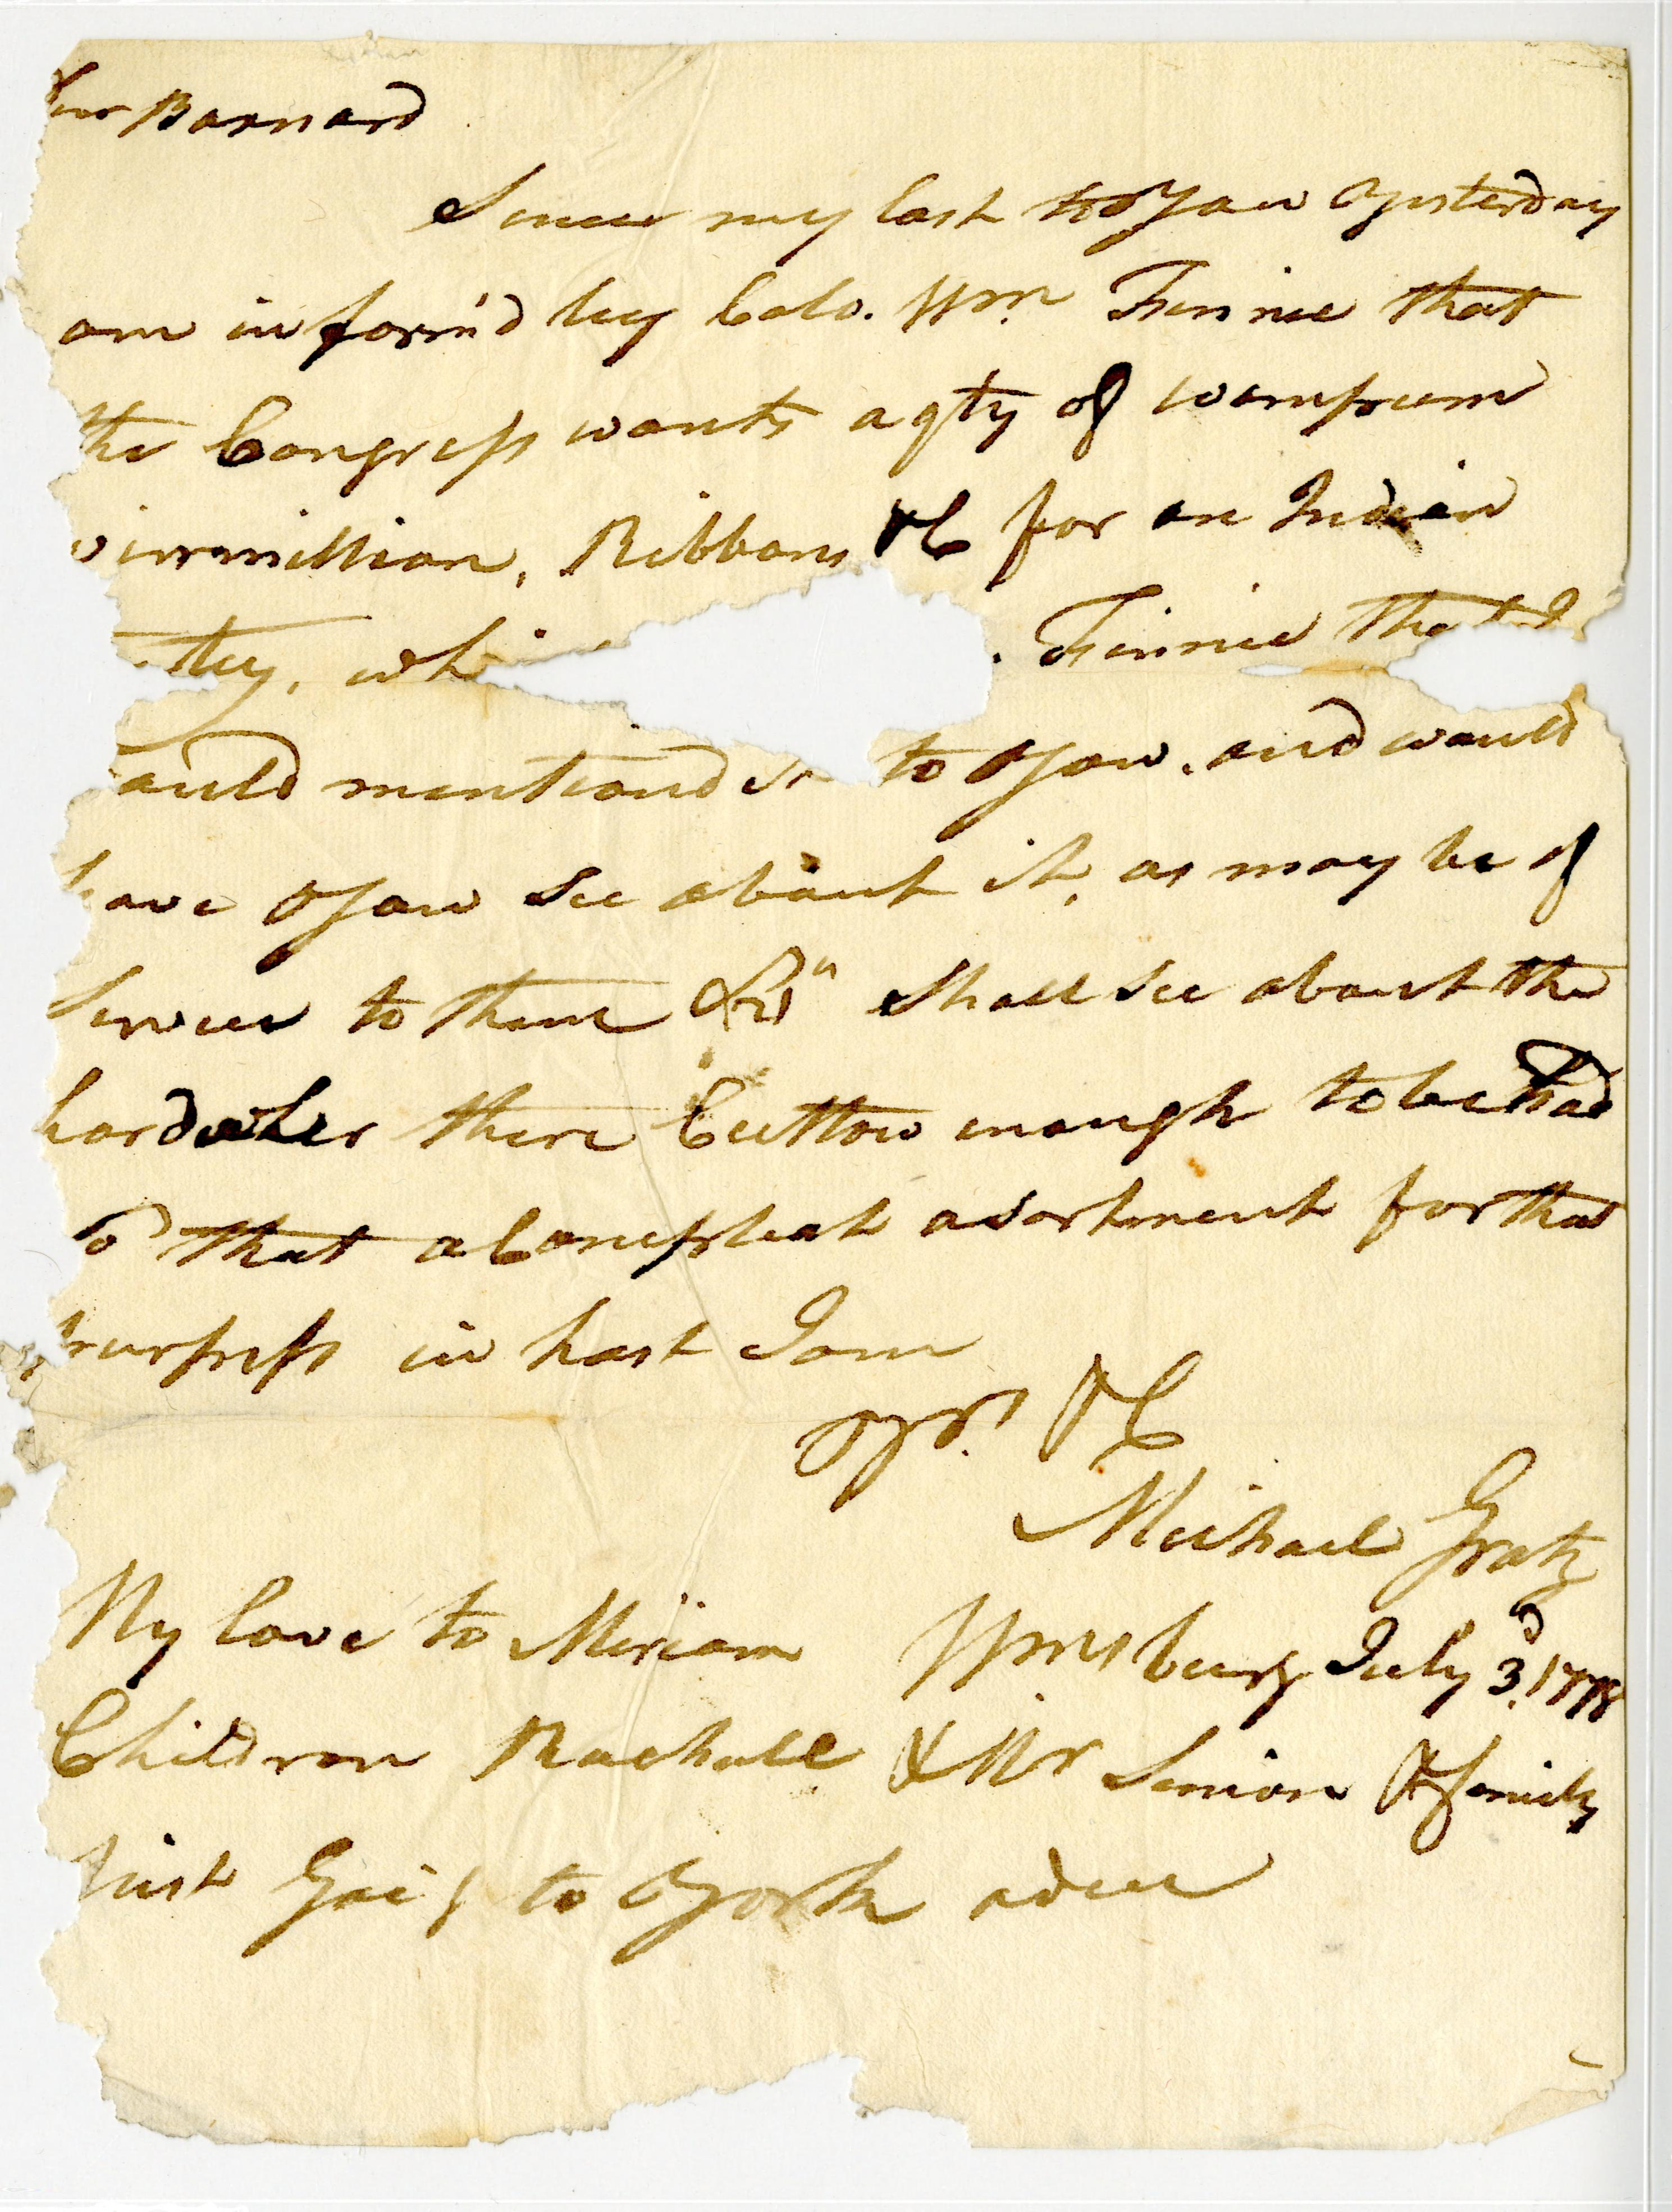Dear Barnard
Since my last to you Yesterday
am inform'd by Colo. W^m. Finnie that
the Congress wants a qty of wampum
virmillion, Ribbons &c for an Indian
try, wh
Finnie that [_]
[_]ould mentiond it to you, and would
have you see about it, as may be of
service to them &c^a shall see about the
hardother there Cotton enough to be had
so that a Compleat assortment for that
purpos in hast I am
Y^rs. &c
Michael Gratz
My love to Miriam
Children Rachale & M^r Simon & family
Just sail to York adeu
W^msburg July 3^d 1778